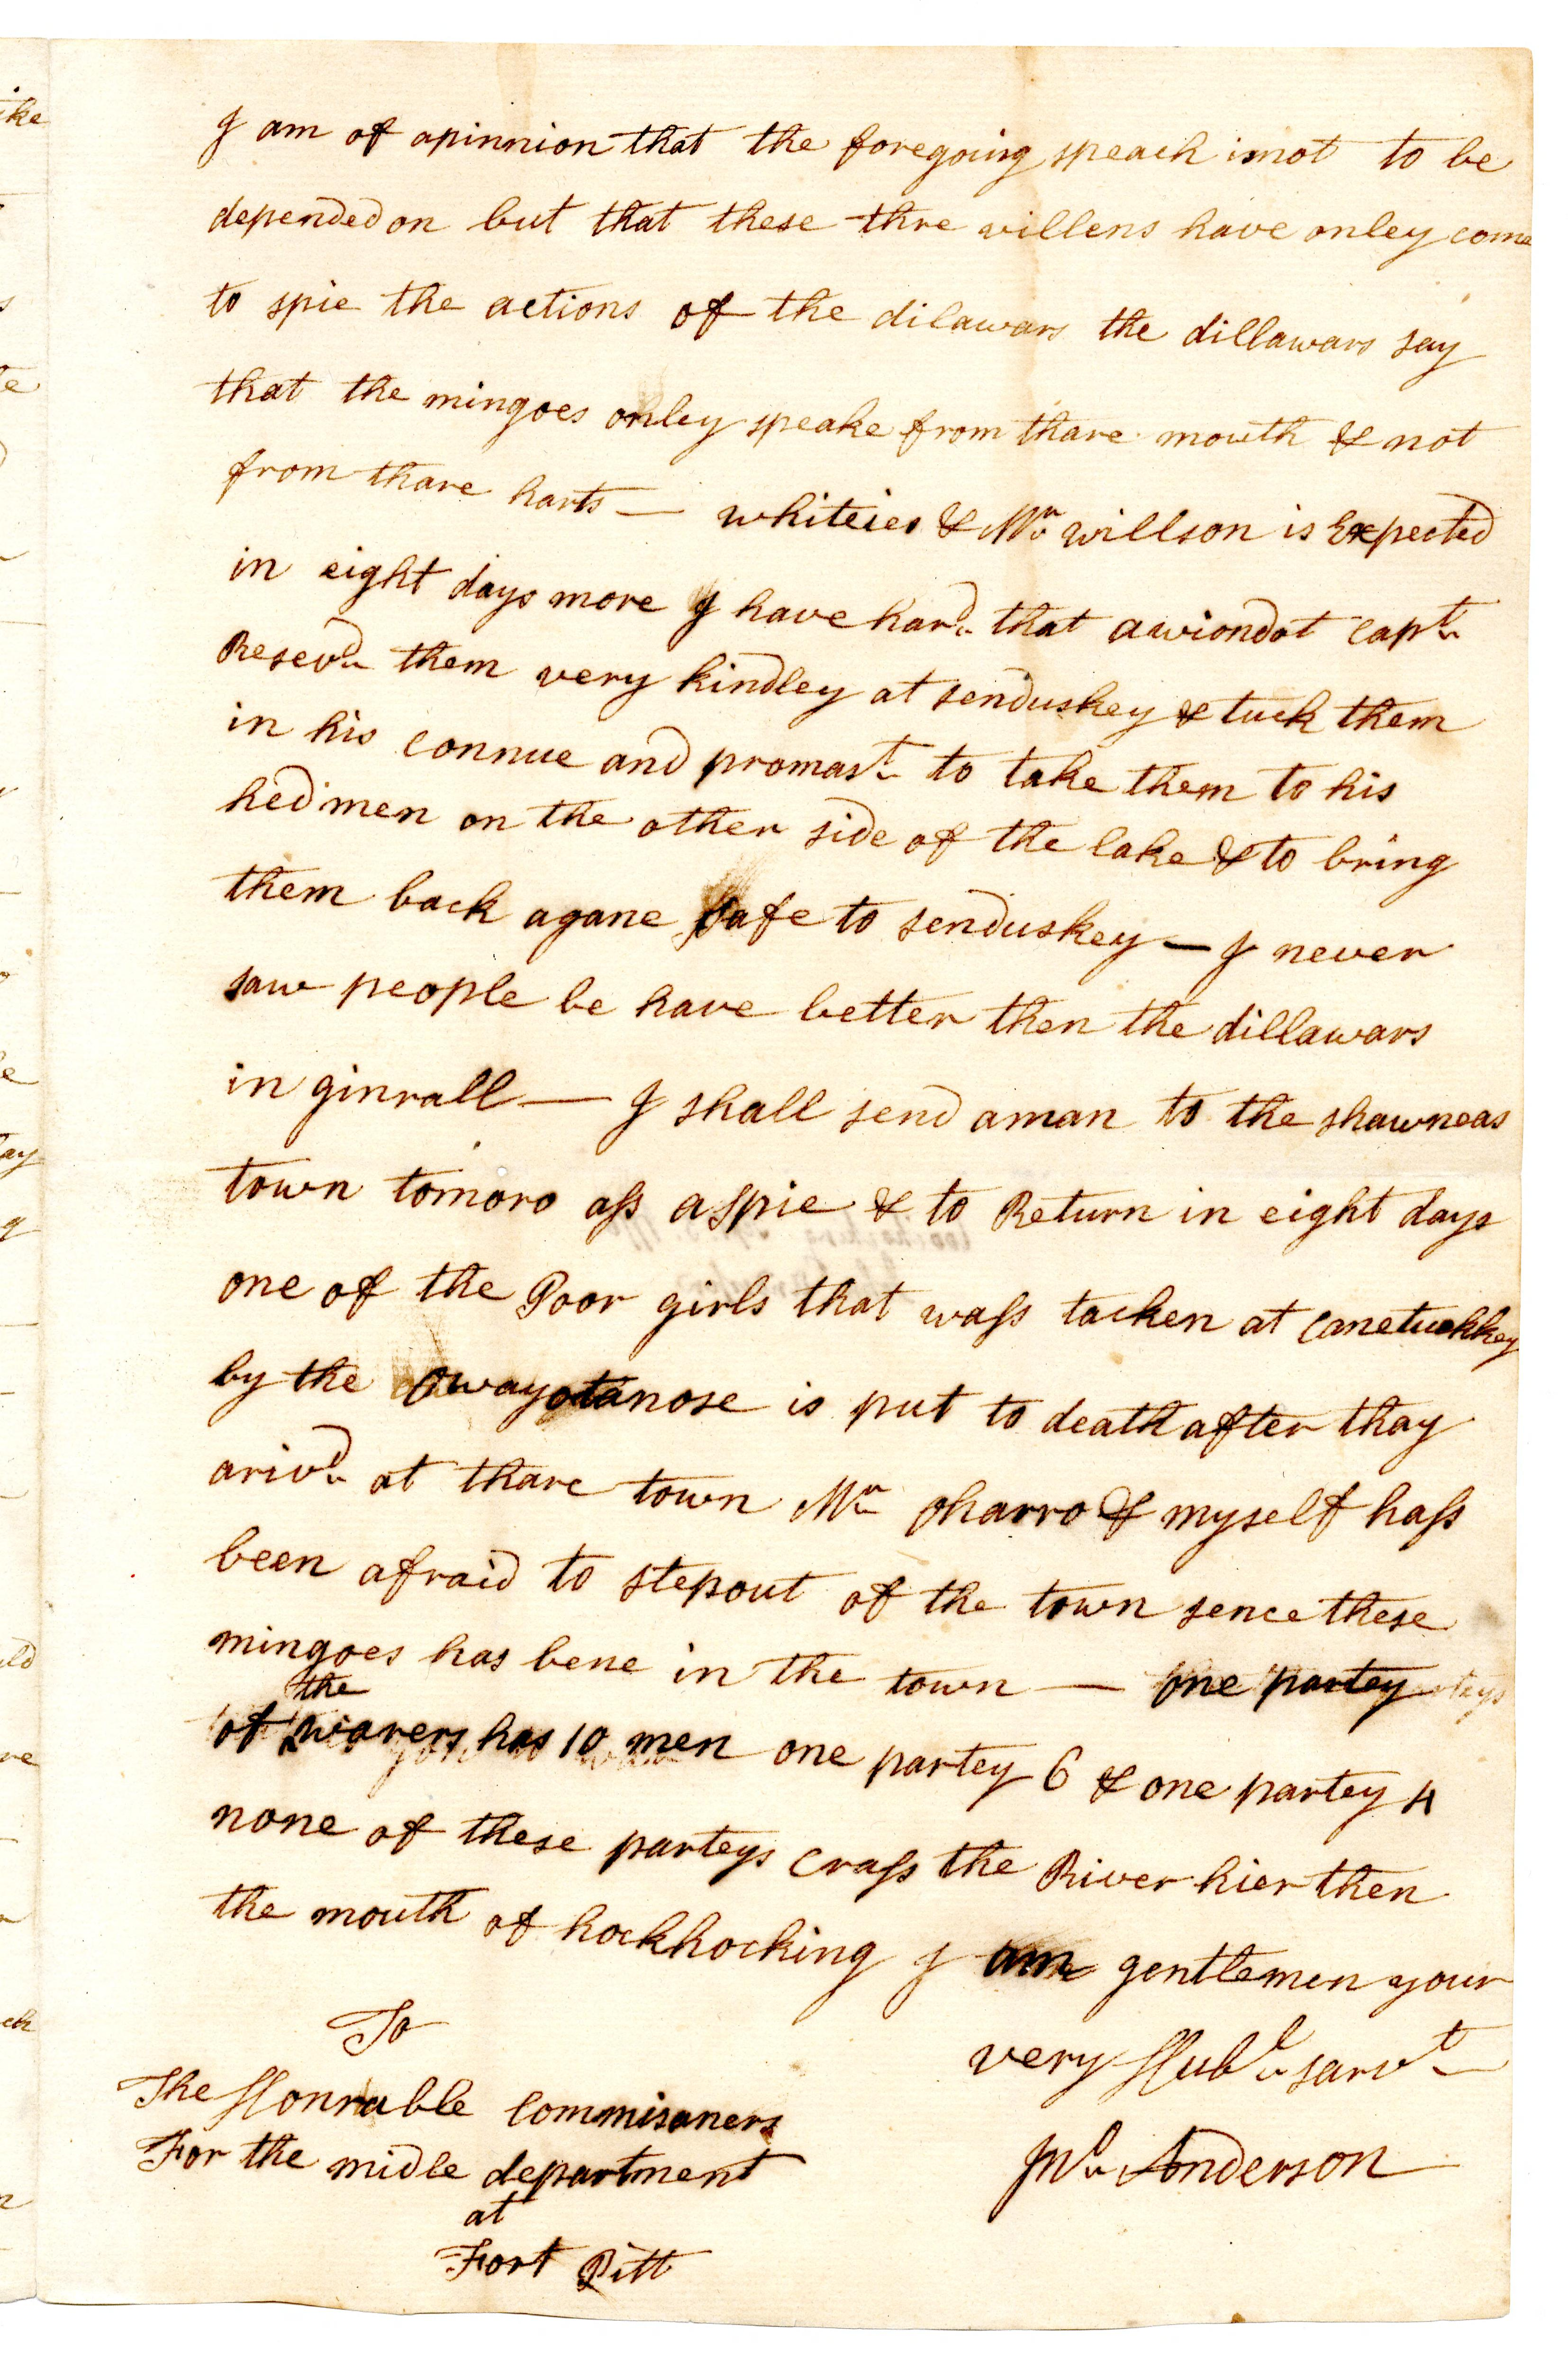I am of opinnion that the foregoing speach is not to be
depended on but that these thre villens have onley come
to spie the actions of the dilawars the dillawars say
that the mingoes onley speake from thare mouth & not
from thare harts- whiteies & M^r. willson is expected
in eight days more I have har^d. that a wiondot cap^t
Resev^d them very kindley at senduskey & tuck them
in his connue and promas^t to take them to his
hed men on the other side of the lake & to bring
them back agane safe to senduskey- I never
saw people be have better then the dillawars
in ginrall- I shall send aman to the shawneas
town tomoro ass a spie & to Return in eight days
one of the Poor girls that wass tacken at canetuckkey
by the owayotanose is put to death after thay
ariv^d at thare town M^r Oharro & myself hass
been afraid to stepout of the town sence these
mingoes has bene in the town- one partey
the
of ^ warers has 10 men one partey 6 & one partey 4
none of these parteys crass the River hier then
the mouth of hockhocking I am gentlemen your
very Hub^l sarv^t-
Jn^o Anderson
To
The Honrable commisoners
For the midle department
at
Fort Pitt